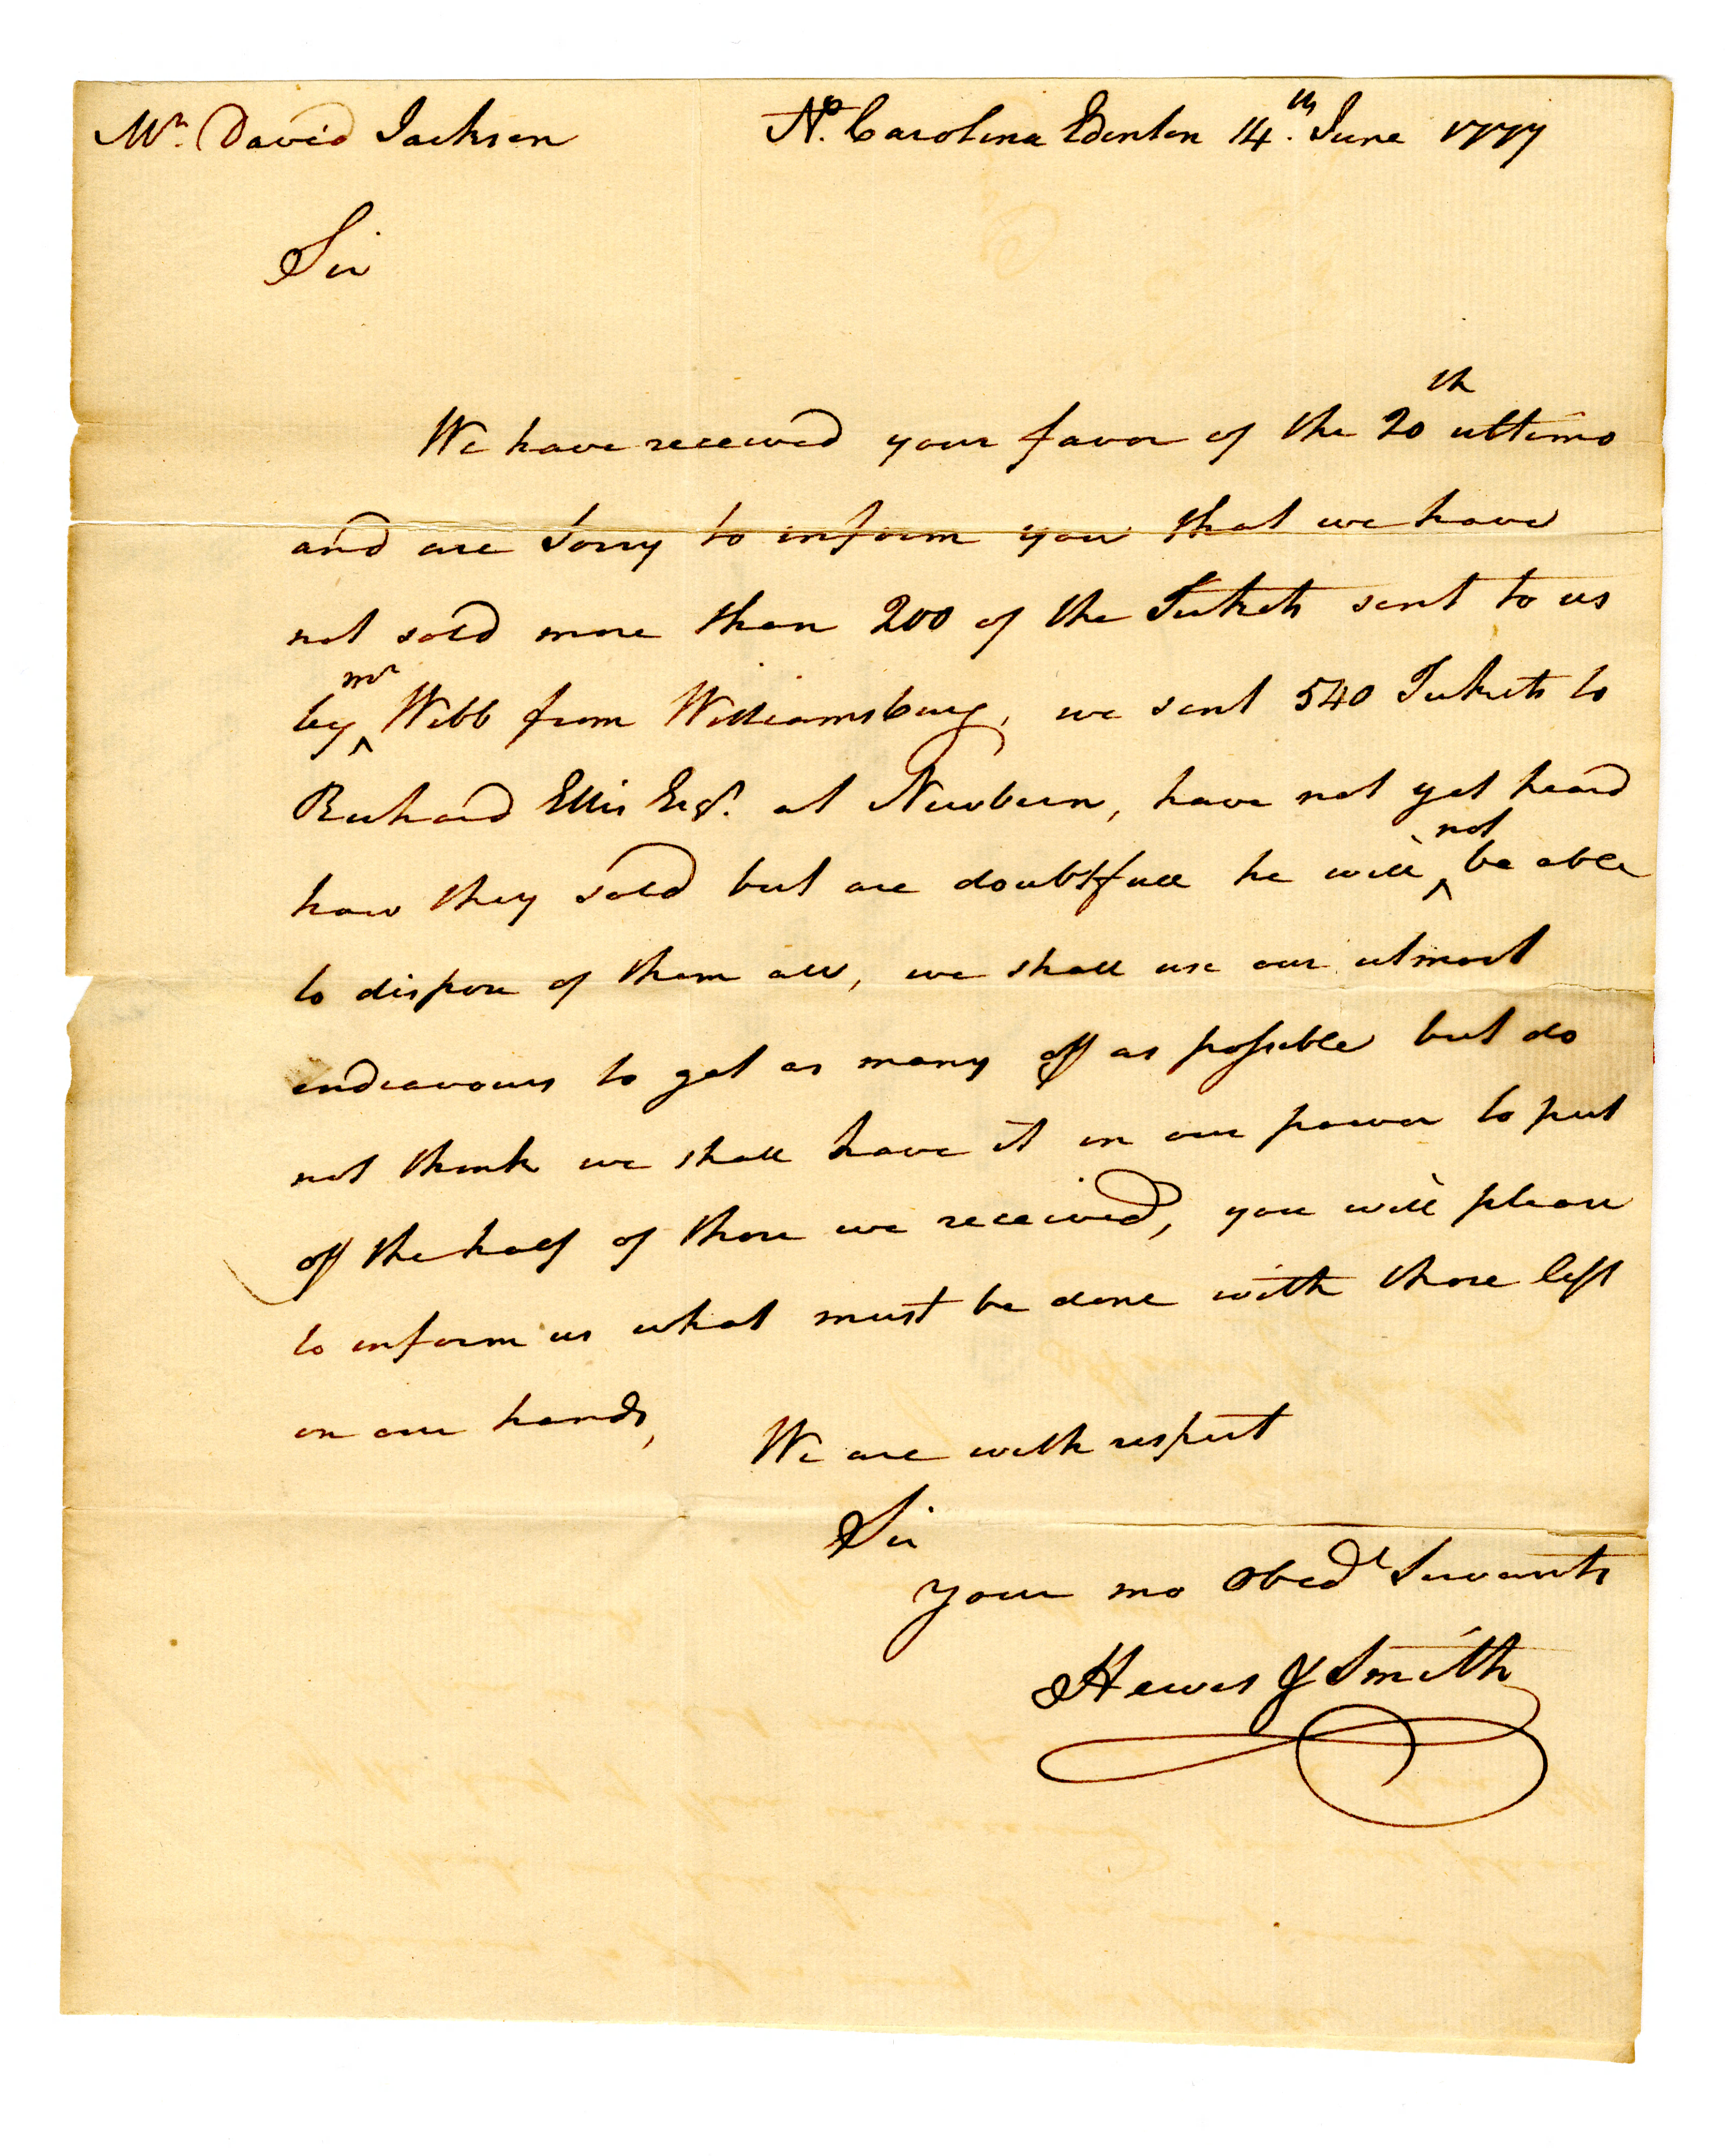N.^o Carolina Bunker 14.^th June 1777
M^r. David Jackson
Sir
We have received your favor of the 20^th ultimo
and are sorry to inform you that we have
not sold more than 200 of the Tickets sent to us
by ^Mr Webb from Williamsbay, we sent 540 Tickets to
Burhard Ellis Esq. at Nurbun, have not yet heard
not
how they sold but are doubtfull he will ^ be able
to dispose of them all, we shall use our utmost
endeavors to get as many off as possible but do
not think we shall have it in our power to put
of the Last of those we received, you will please
to inform us what must be done with those left
in our hands,
We are with respect
Sir
Your mo obed^t servants
Hewes & Smith